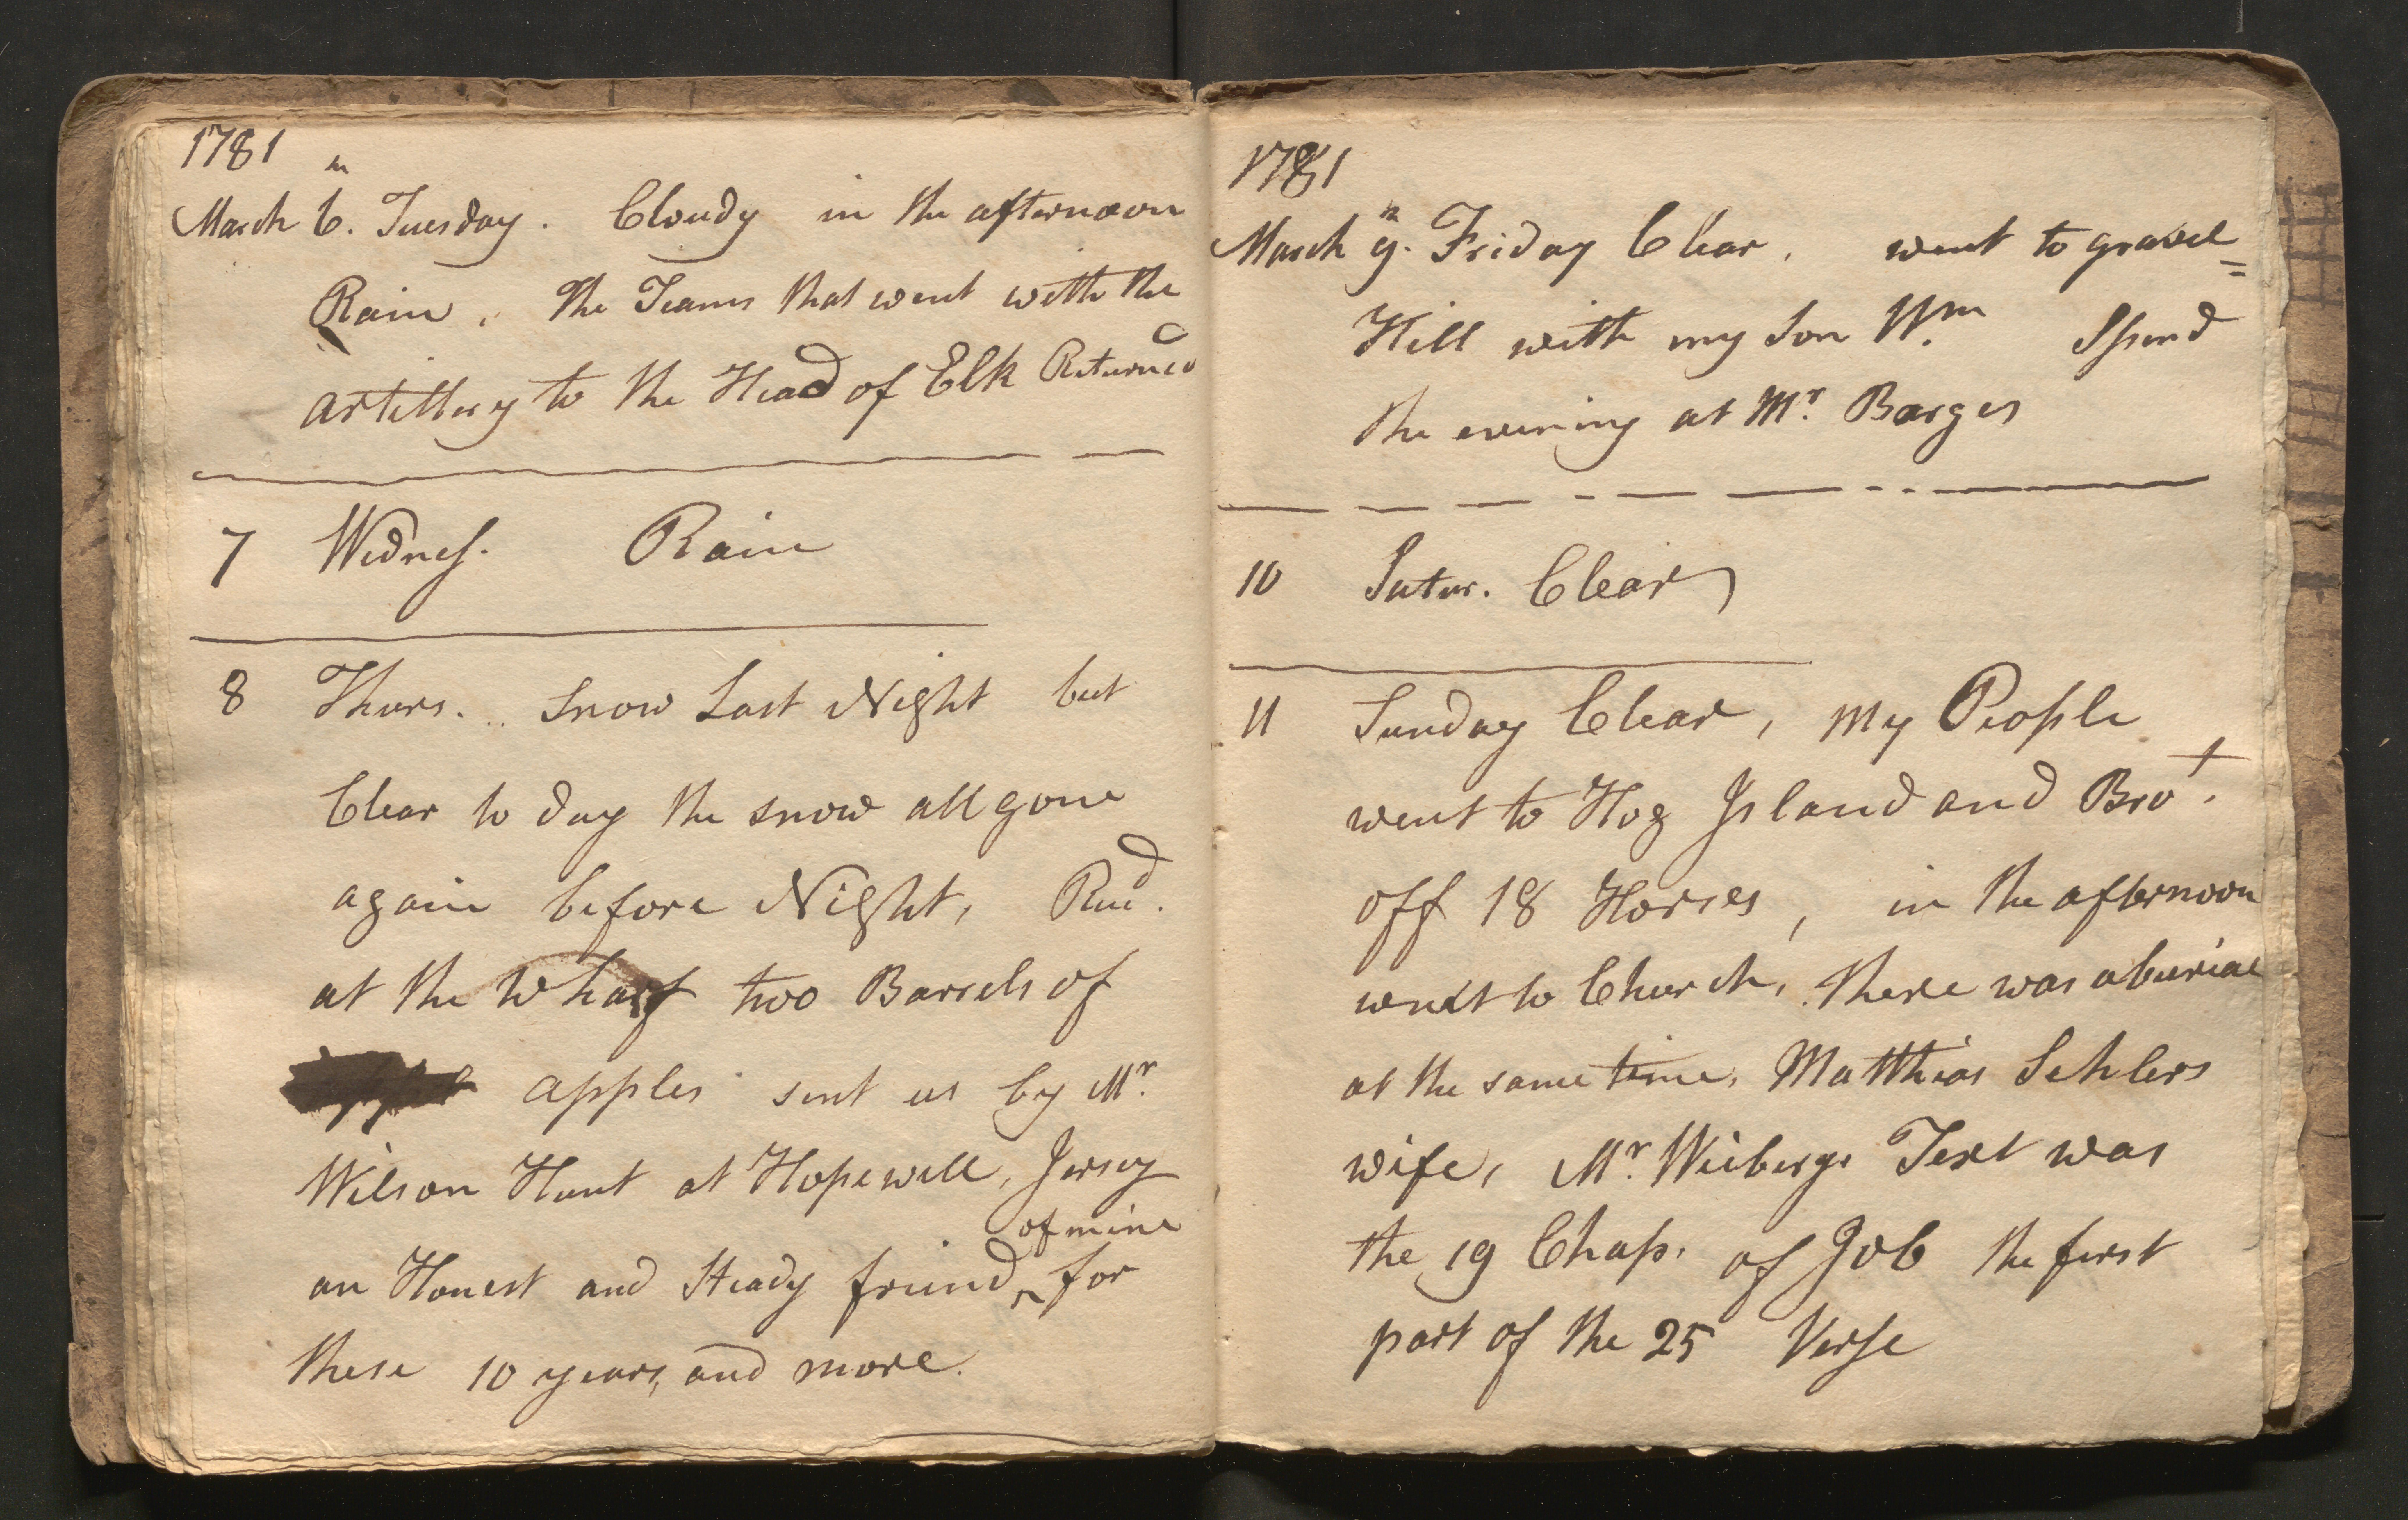1781
March 6^th. Tuesday. Cloudy in the afternoon
Rain. The Teams that went with the
Artillery to the Head of Elk Returned
7 Wednes. Rain
8 Thurs. Snow Last Night but
Clear to day the snow all gone
again before Night, Rec^d
at the wharf two Barrels of
[appel] Apples sent us by M^r.
Wilson Hunt at Hopewell, Jersey
of mine
ane Honest and Steady friend ^ for
these 10 years, and more.
1781
March 9^th. Friday Clear, went to gravel
Hill with my Son W^m. Spend
the evening at M^r. Barges
10 Satur. Clear
11 Sunday Clear, My People
went to Hog Island and Bro^t.
off 18 Horses, in the afternoon
wnt to Church, there was a burial
at the same time, Matthias Seklers
wife, M^r. Weibergs Text was
the 19 Chap. of Job the first
part of the 25 Verse